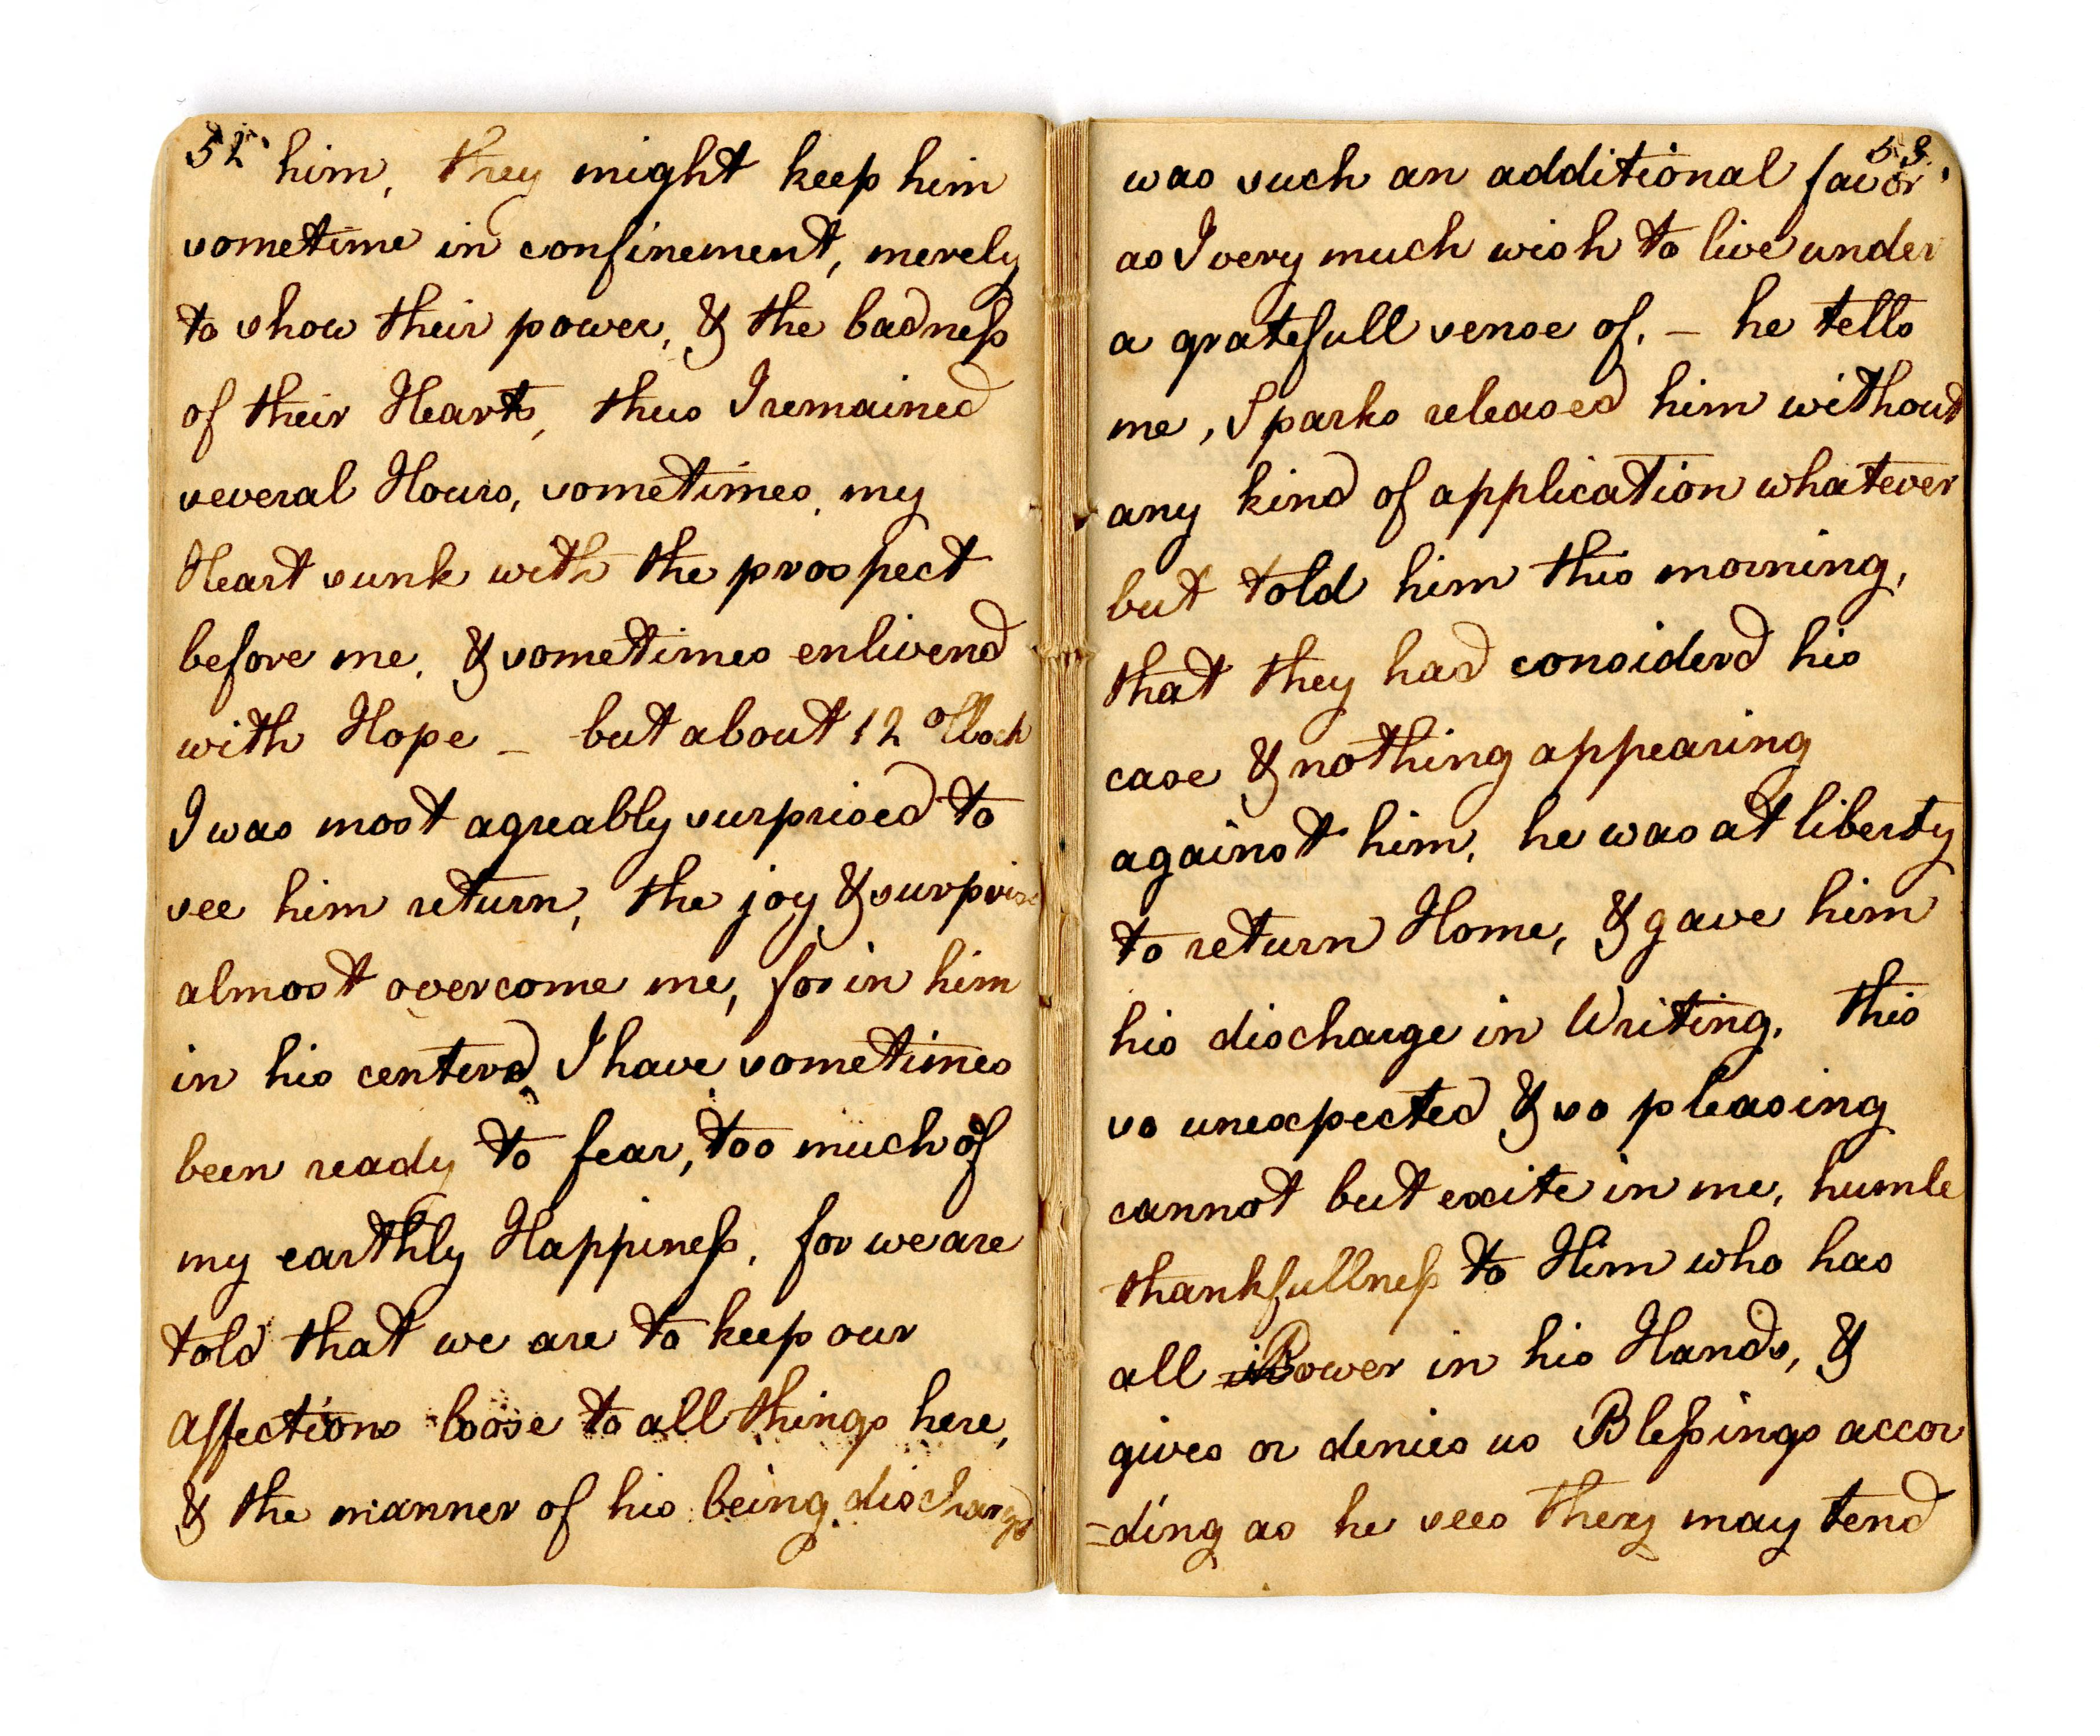him, they might keep him
sometimes in confinement, merely
to show their power, & the badness
of their Hearts, thus I remained
several Hours, sometimes, my
Heart sunk with the prospect
before me. & sometimes enlivend
with Hope- but about 12 ^oClock
I was most agreably surprised to
see him return, the joy & surprise
almost overcome me, for in him
in his centerd I have sometimes
been ready to fear, too much of
my earthly Happiness, for we are
told that we are to keep our
Affections loose to all things here,
& the manner of his being dischargd
was such an additional favor
as I very much wish to live under
a gratefull sense of,- he tells
me, Sparks released him without
any kind of application whatever
but told him this morning,
that they had considered his
case & nothing appearing
against him, he was at liberty
to return Home, & gave him
his discharge in Writing, this
so unexpected & so pleasing
cannot but excite in me, humle
thankfullness to Him who has
all Power in his Hands, &
gives or denies us Blessings accor
-ding as he sees they may tend